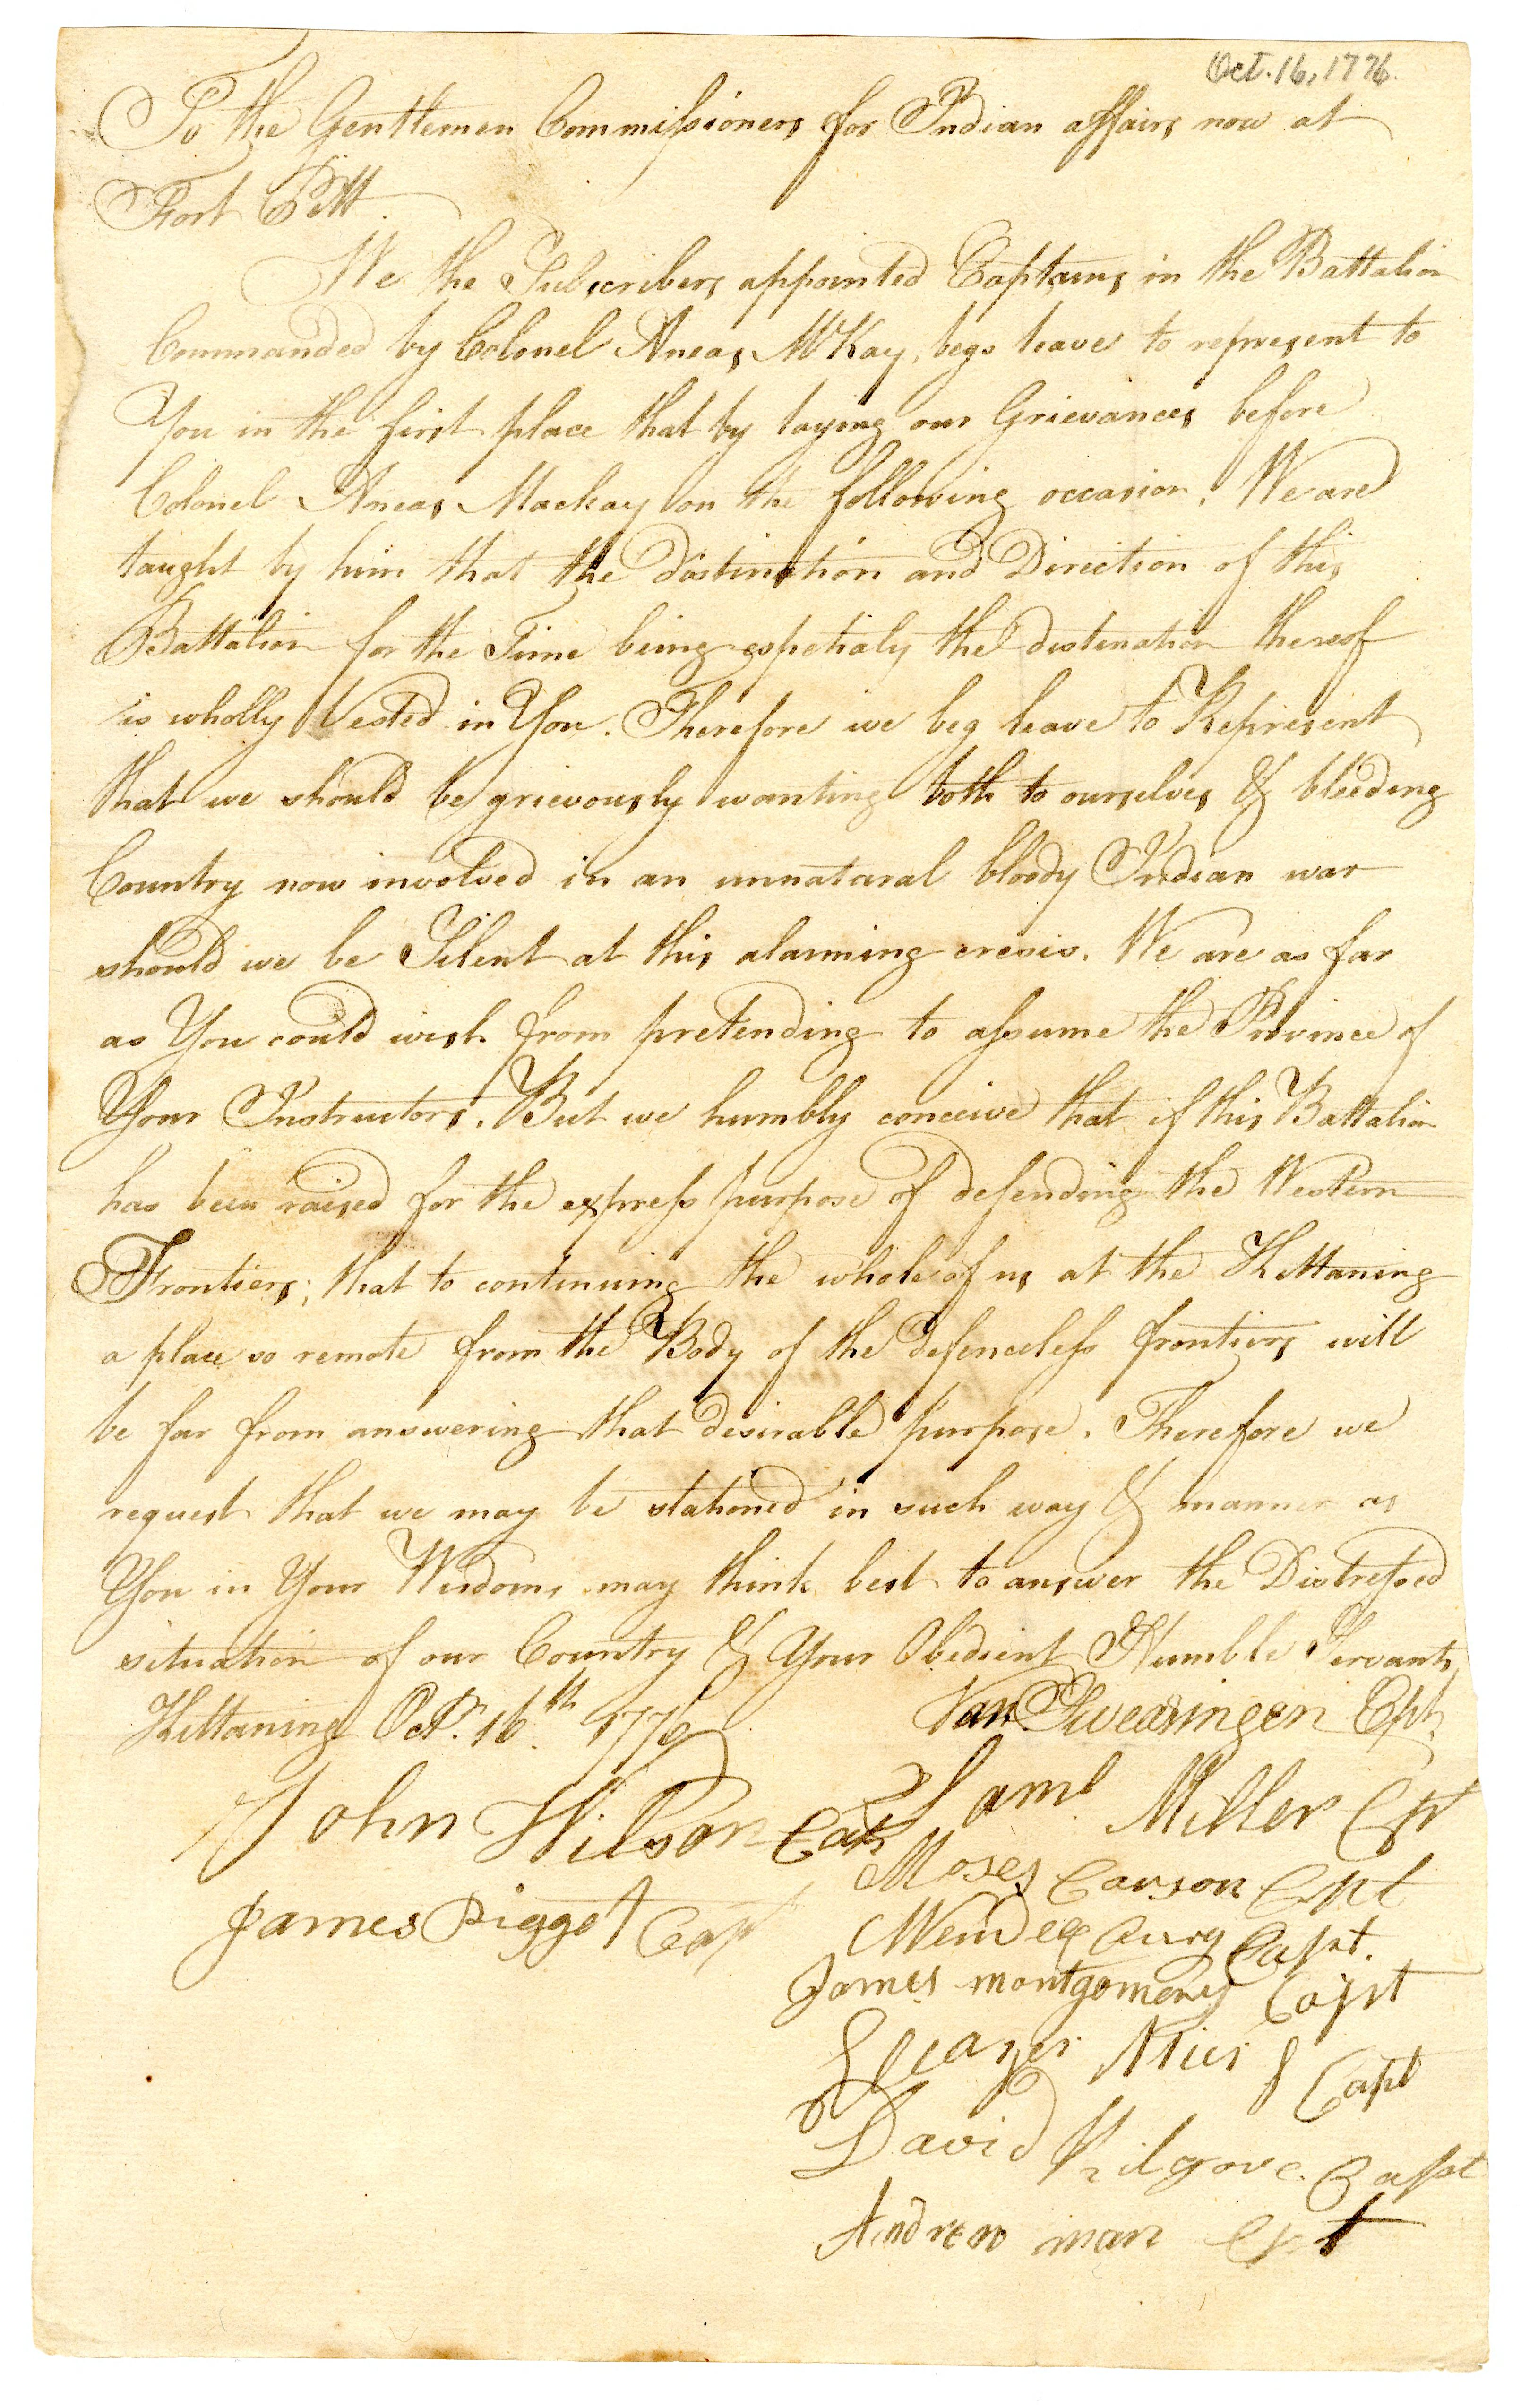To the Gentlemen Commissioners for Indian affairs now at
Fort Pitt.
We the Subscribers appointed Captains in the Battalion
Commanded by Colonel Aeneas M^cKay, begs leave to represent to
You in the first place that by laying our Grievances before
Colonel Aeneas Mackay on the following occasion. We are
taught by him that the distinction and Direction of the
Battalion for the Time being especially the destination hereof
is wholly Vested in You. Therefore we beg leave to Represent
that we should be grievously wanting both to ourselves & bleeding
Country now involved in an unnatural bloody Indian war
should we be Silent at this alarming crisis. We are as far
as You could wish from pretending to assume the Province of
Your Instructors. But we humbly conceive that if this Battalion
has been raised for the express purpose of defending the Western
Frontiers; that to continuing the whole of us at the Kittaning
a place so remote from the Body of the defenceless frontiers will
be far from answering that desirable purpose. Therefore we
request that we may be stationed in such way & manner as
You in Your Wisdoms may think best to answer the Distressed
situation of our Country & Your Obedient Humble Servants
Kittaning Oct^r. 16^th. 1776
W^m Swearingen Cpt.
John Wilson Capt
Sam^l. Miller Cpt
James Pigget Capt
Moses Carson Cpt
Wendell Oury Capt.
James Montgomery Capt
Eleazer Mier, Capt
David Wilgrove Capt
Andrew man Cpt